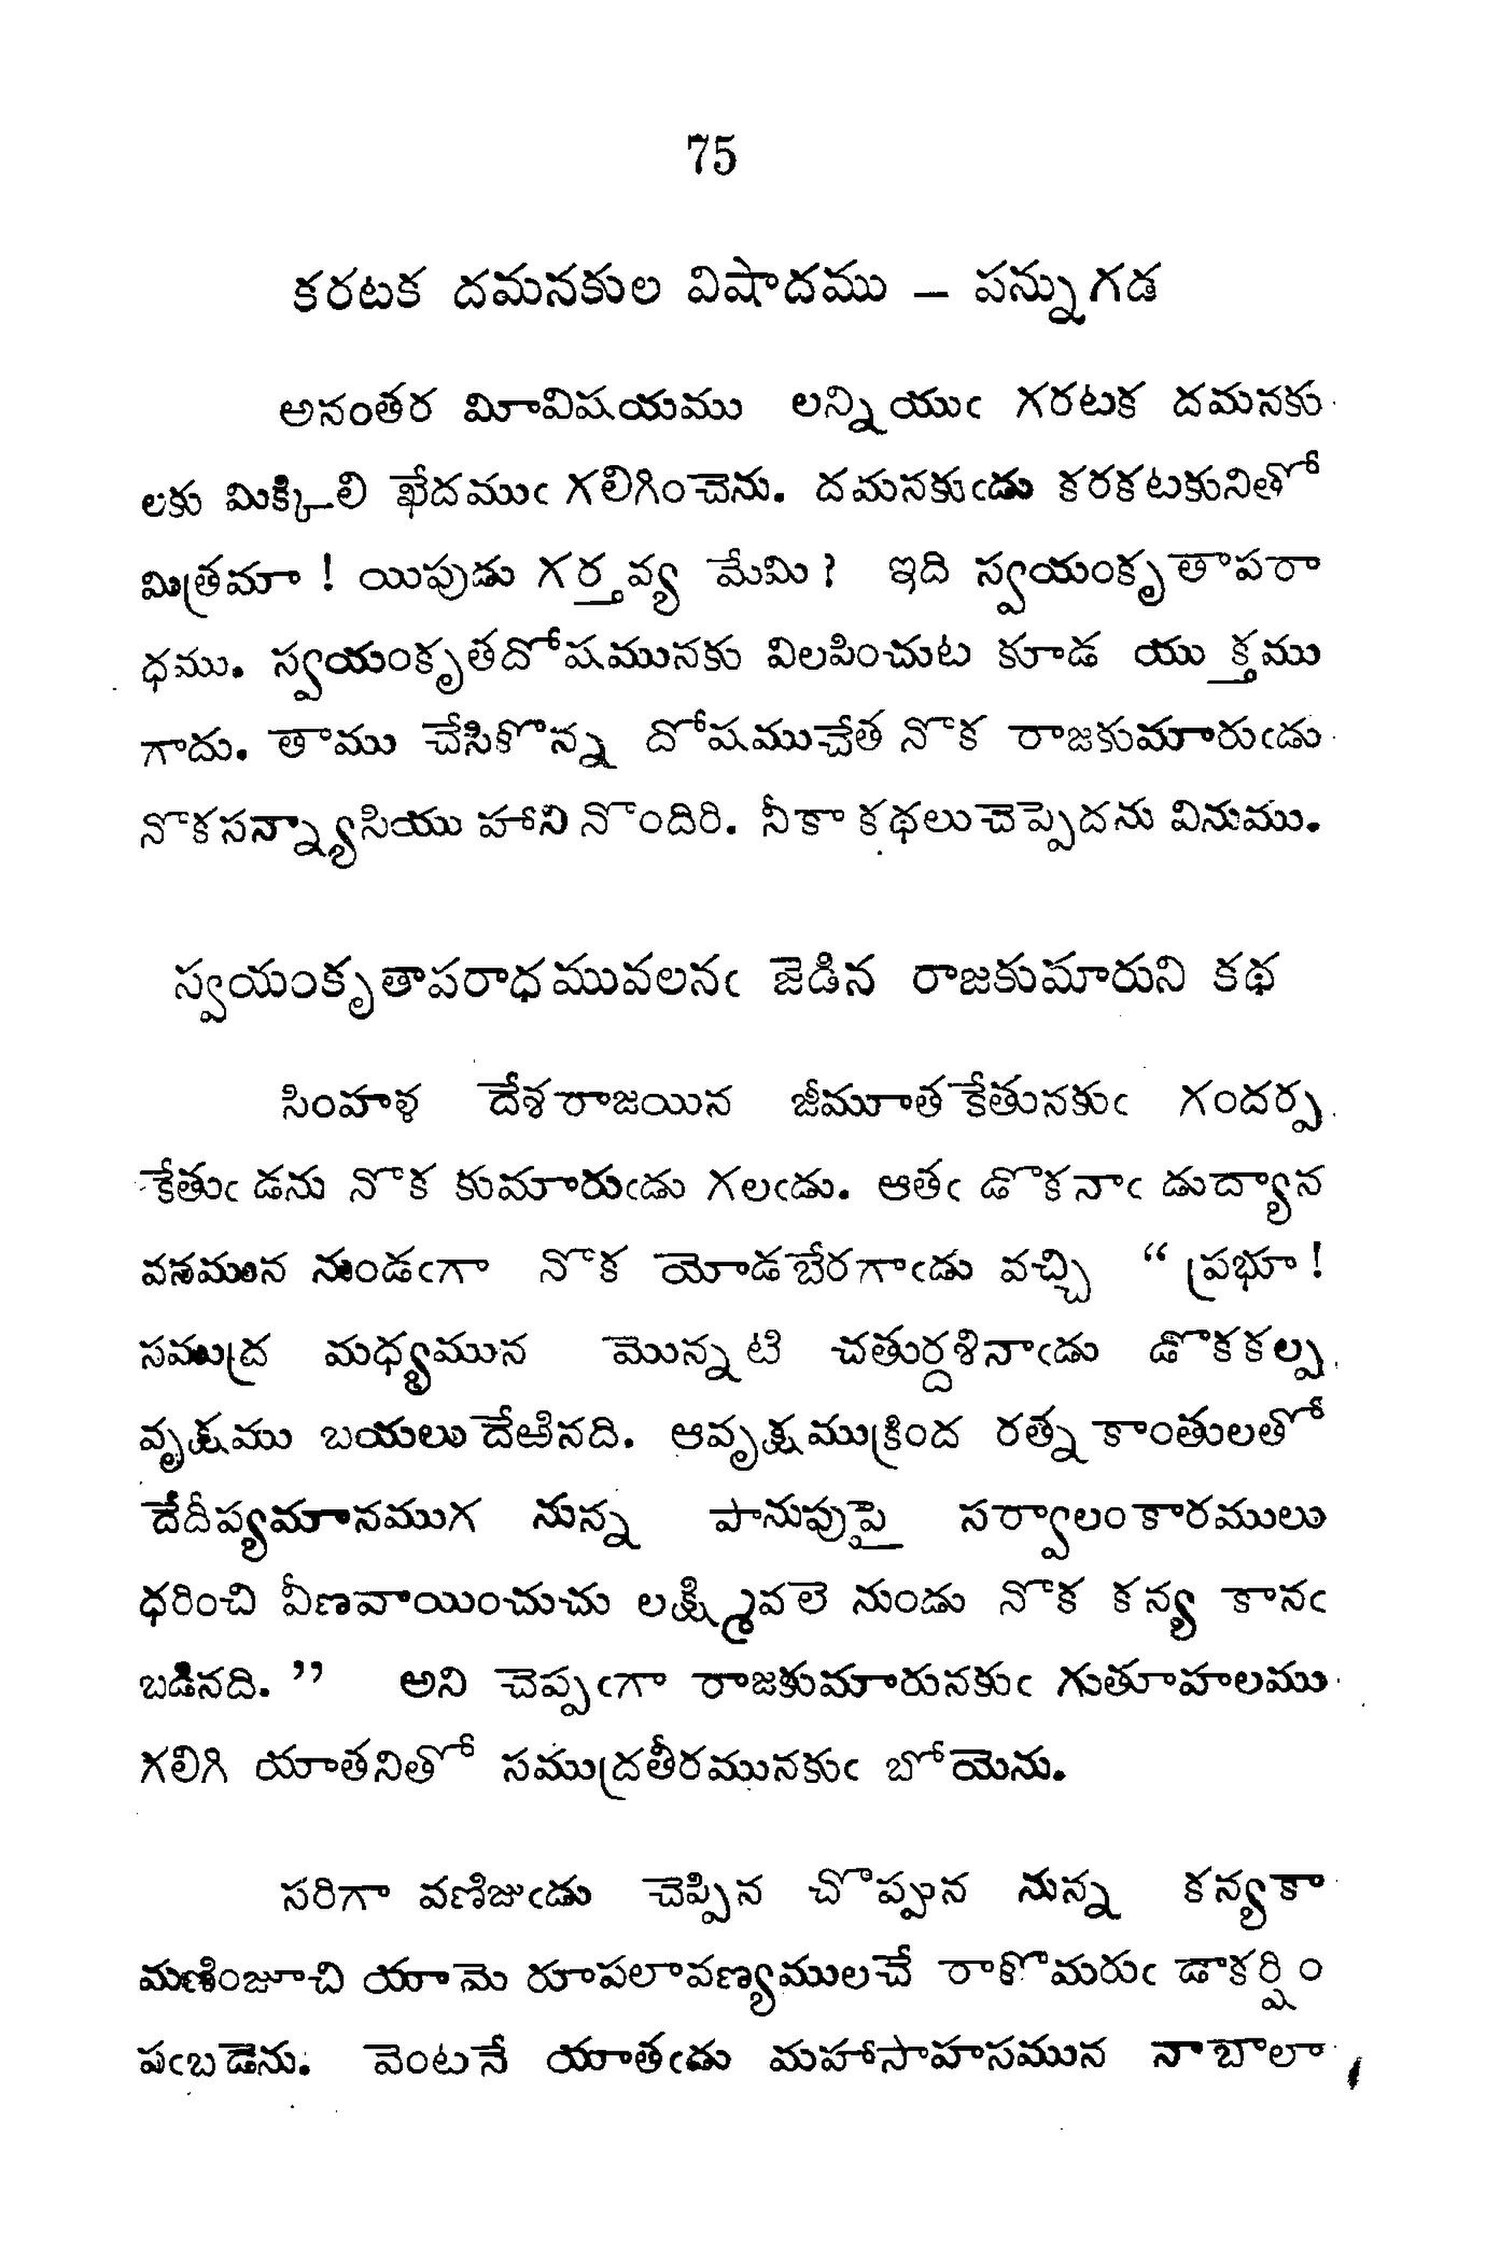అనంతర మీవిషయము లన్నియు గరటక దమనకులకు మిక్కిలి ఖేదము గలిగించెను. దమనకుడు కరటకునితో మిత్రమా! యిపుడు గర్తవ్య మేమి? ఇది స్వయంకృతాపరాధము. స్వయంకృతదోషమునకు విలపించుట కూడ యుక్తముగాదు. తాము చేసికొన్న దోషముచేత నొక రాజకుమారుడు నొకసన్న్యాసియు హాని నొందిరి. నీకా కథలు చెప్పెదను వినుము.

సింహళ దేశరాజయిన జీమూతకేతునకు గందర్పకేతు డను నొక కుమారుడు గలడు. ఆత డొకనా డుద్యానవనమున నుండగా నొక యోడబేరగాడు వచ్చి "ప్రభూ! సముద్ర మధ్యమున మొన్నటి చతుర్దశినాడు డొకకల్ప వృక్షము బయలు దేఱినది. ఆవృక్షముక్రింద రత్నకాంతులతో దేదీప్యమానముగా నున్న పానుపుపై సర్వాలంకారములు ధరించి వీణవాయించుచు లక్ష్మివలె నుండు నొక కన్య కానబడినది." అని చెప్పగా రాజకుమారునకు గుతూహలము గలిగి యాతనితో సముద్రతీరమునకు బోయెను.

సరిగా వణిజుడు చెప్పిన చొప్పున నున్న కన్యకా మణింజూచి యామె రూపలావణ్యములచే రాకొమరు డాకర్షింపబడెను. వెంటనే యాతడు మహాసాహసమున నాబాలా